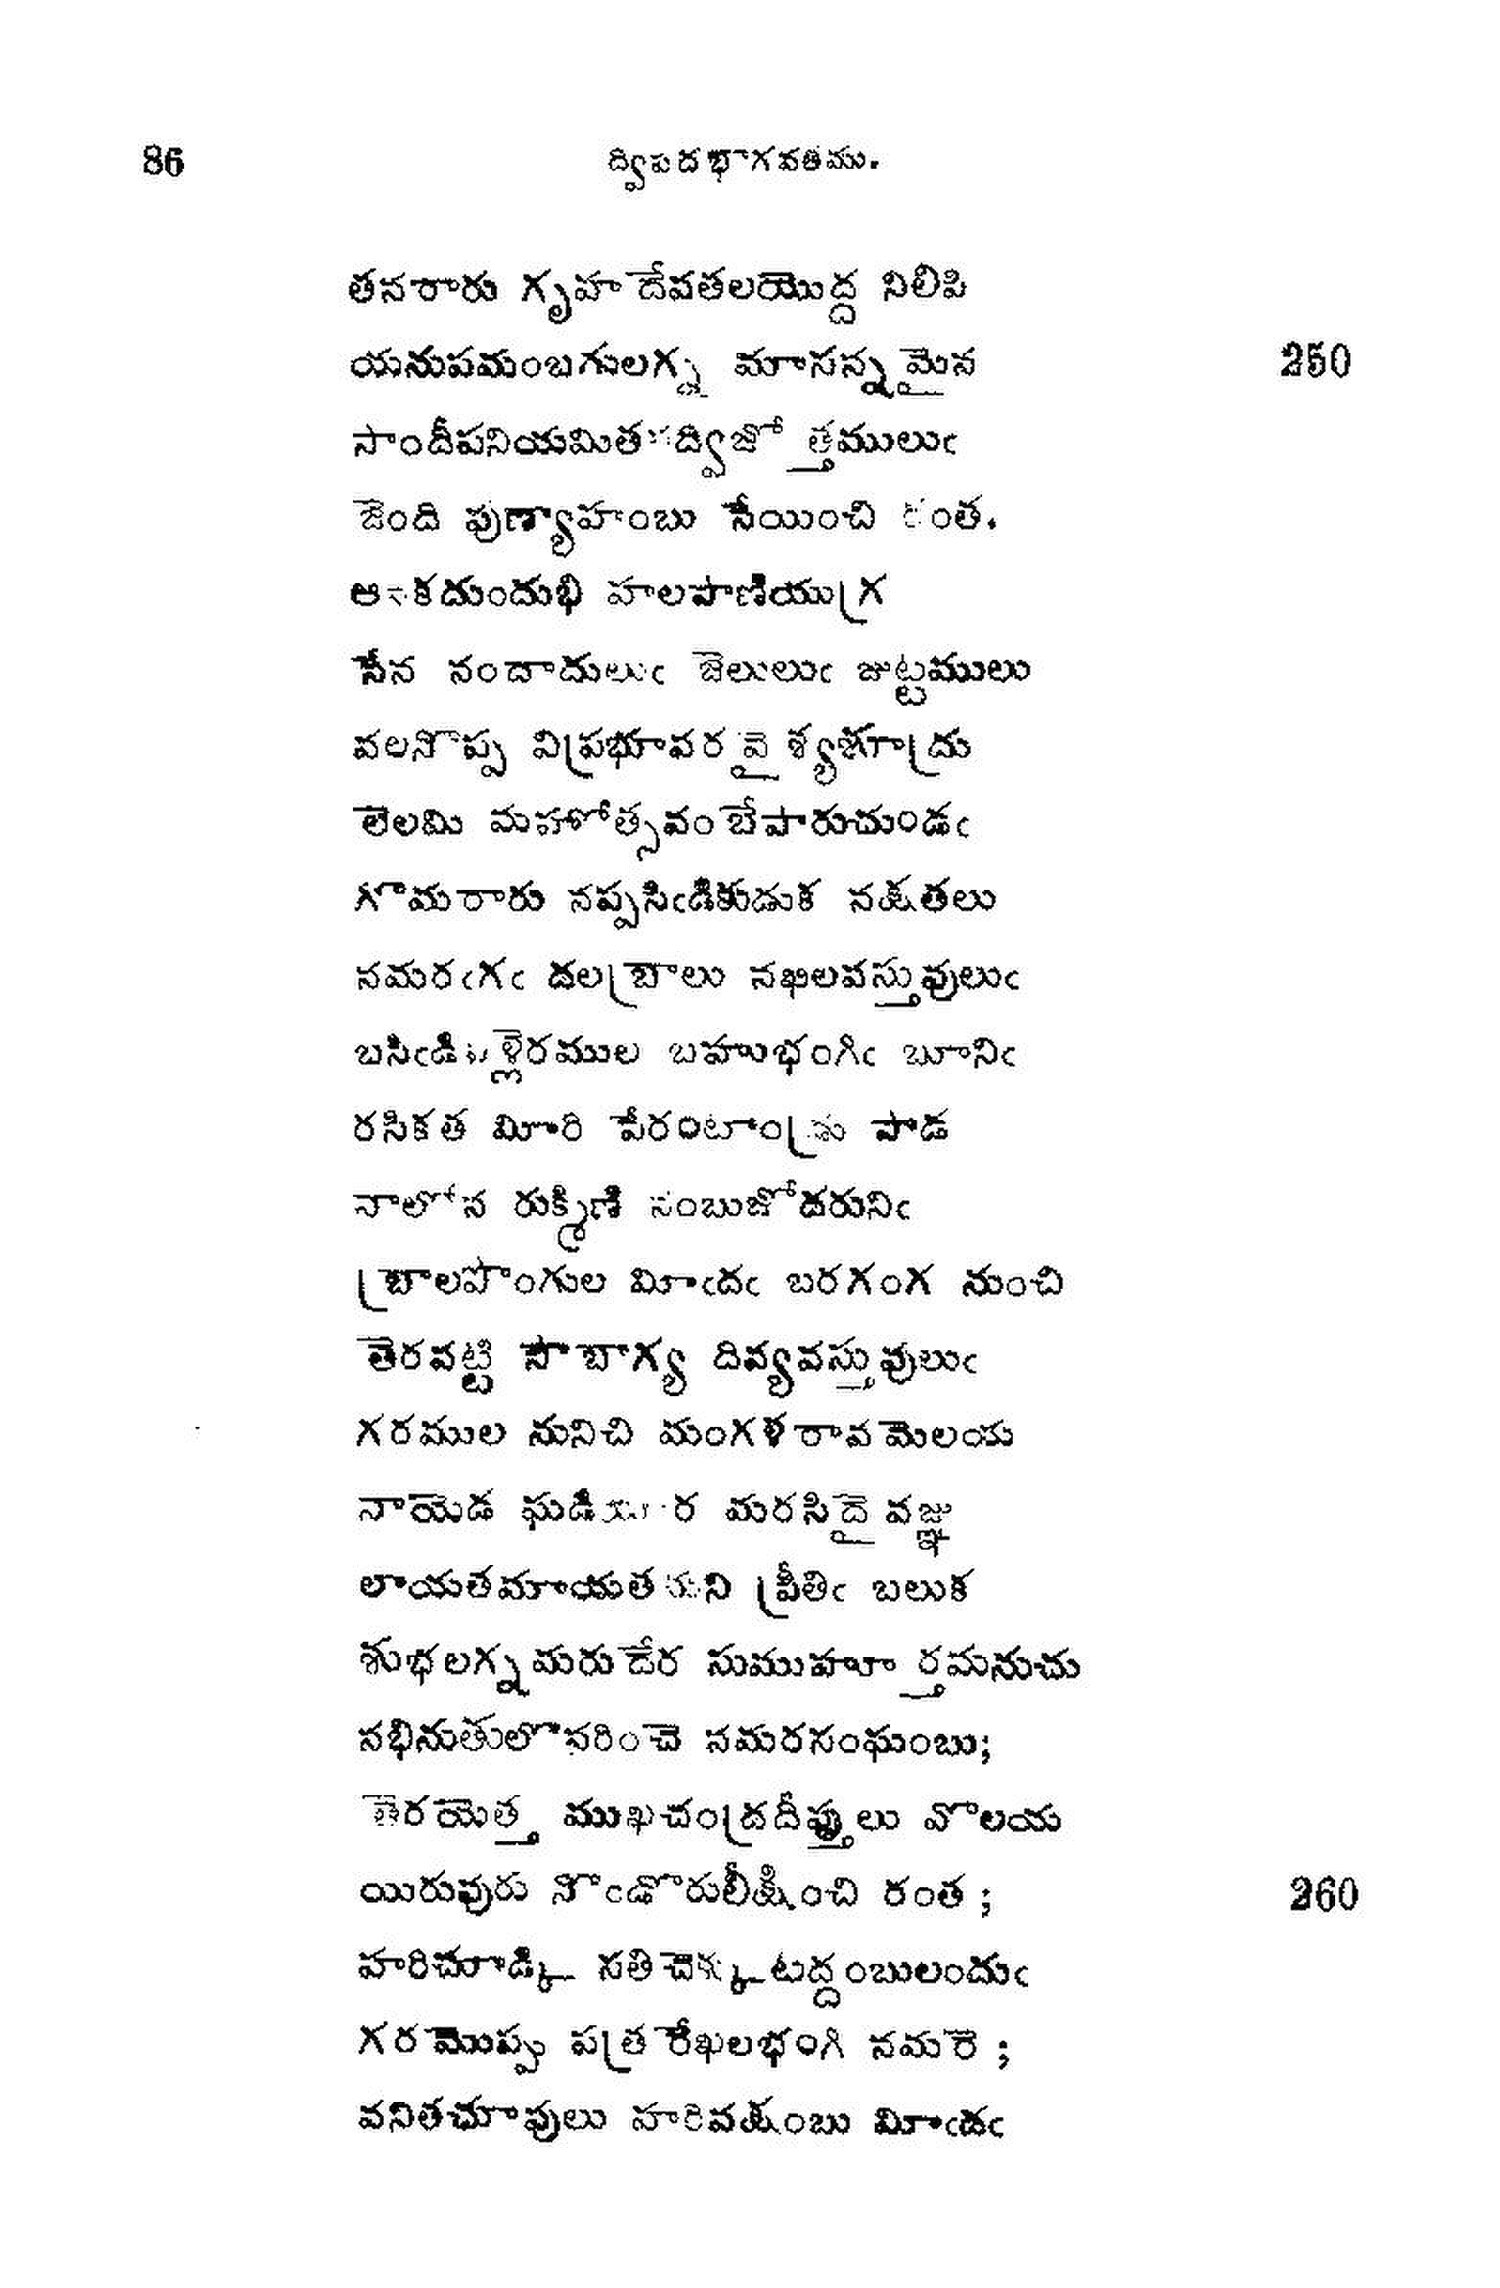తనరారు గృహదేవతలయొద్ద నిలిపి
యనుపమంబగులగ్న మాసన్నమైన
సాందీపనియమితసద్విజోత్తములుఁ
జెంది పుణ్యాహంబు సేయించి రంత.
ఆనకదుందుభి హలపాణియుగ్ర
సేన నందాదులుఁ జెలులుఁ జుట్టములు
వలనొప్ప విప్రభూవర వైశ్యశూద్రు
లెలమి మహోత్సవం బేపారుచుండఁ
గొమరారు నప్పసిఁడికుడుక నక్షతలు
నమరఁగఁ దలబ్రాలు నఖిలవస్తువులు
బసిఁడిపళ్ళెరముల బహుభంగిఁ బూని
రసికత మీరి పేరంటాండ్రు పాడ
నాలోన రుక్మిణి నంబుజోదరుని
బ్రాలపొంగులమీఁదఁ బరగంగ నుంచి
తెరపట్టి సౌభాగ్యదివ్యవస్తువులుఁ
గరముల నునిచి మంగళరావ మెలయ
నాయెడ ఘడియార మరసి దైవజ్ఞు
లాయతమాయత మని ప్రీతిఁ బలుక
శుభలగ్న మరుదేర సుముహూర్త మనుచు
నభినుతు లొనరించె నమరసంఘంబు;
తెరయెత్త ముఖచంద్రదీప్తులు వొలయ
యిరువురు నొండొరులీక్షించి రంత;
హరిచూడ్కి సతిచెక్కుటద్దంబులందుఁ
గరమొప్పు పత్రరేఖలభంగి నమరె;
వనితచూపులు హరివక్షంబుమీఁదఁ